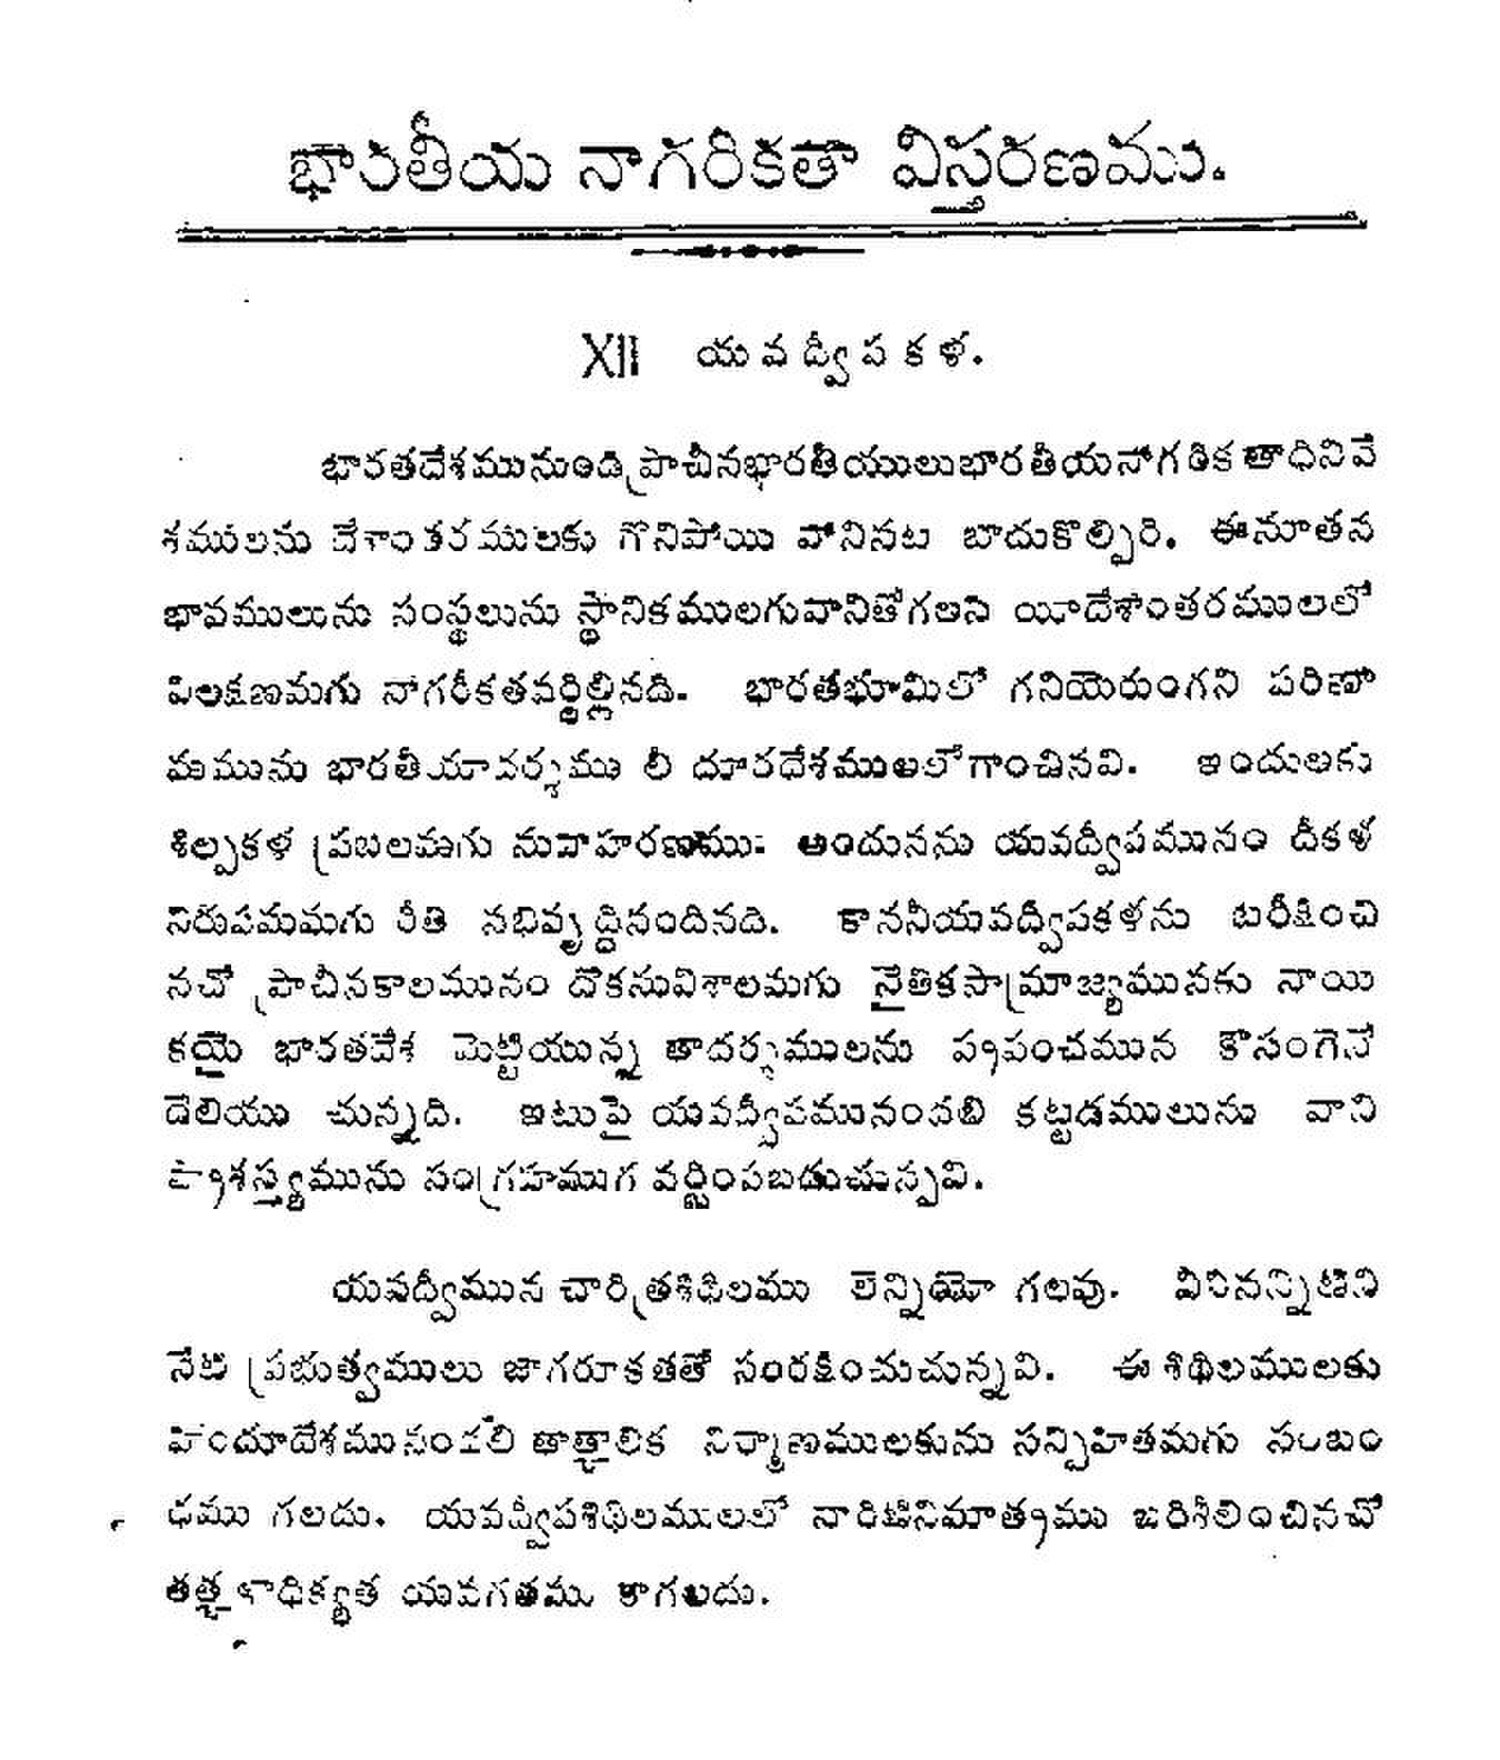భారతదేశమునుండి ప్రాచీనభారతీయులు భారతీయనాగరికతాధినివేశములను దేశాంతరములకు గొనిపోయి వానినట బాదుకొల్పిరి. ఈనూతన భావములును సంస్థలును స్థానికములగువానితోగలసి యీదేశాంతరములలో విలక్షణమగు నాగరికతవర్థిల్లినది. భారతభూమిలో గనియెరుంగని పరిణామమును భారతీయాదర్శము లీ దూరదేశములలో గాంచినవి. ఇందులకు శిల్పకళ ప్రబలమగు నుదాహరణము. అందునను యవద్వీపమునం దీకళ నిరుపమమగు రీతి నభివృద్దినందినది. కాననీయవద్వీపకళను బరీక్షించినచో ప్రాచీనకాలమునం దొకసువిశాలమగు నైతికసామ్రాజ్యమునకు నాయికయై భారతదేశ మెట్టియున్న తాదర్శములను ప్రపంచమున కొసంగెనో దెలియు చున్నది. ఇటుపై యవద్వీపమునందలి కట్టడములును వాని ప్రాశస్త్యమును సంగ్రహముగ వర్ణింపబడుచున్నవి. 

యవద్వీపమున చారిత్రశిథిలము లెన్నియో గలవు. వీనినన్నిటిని నేటి ప్రభుత్వములు జాగరూకతతో సంరక్షించుచున్నవి. ఈ శిథిలములకు హిందూదేశమునందలి తాత్కాలిక నిర్మాణములకును సన్నిహితమగు సంబంధము గలదు. యవద్వీప శిథిలములలో నారిటినిమాత్రము బరిశీలించినచో తత్కళాధిక్యత యవగతము కాగలదు.